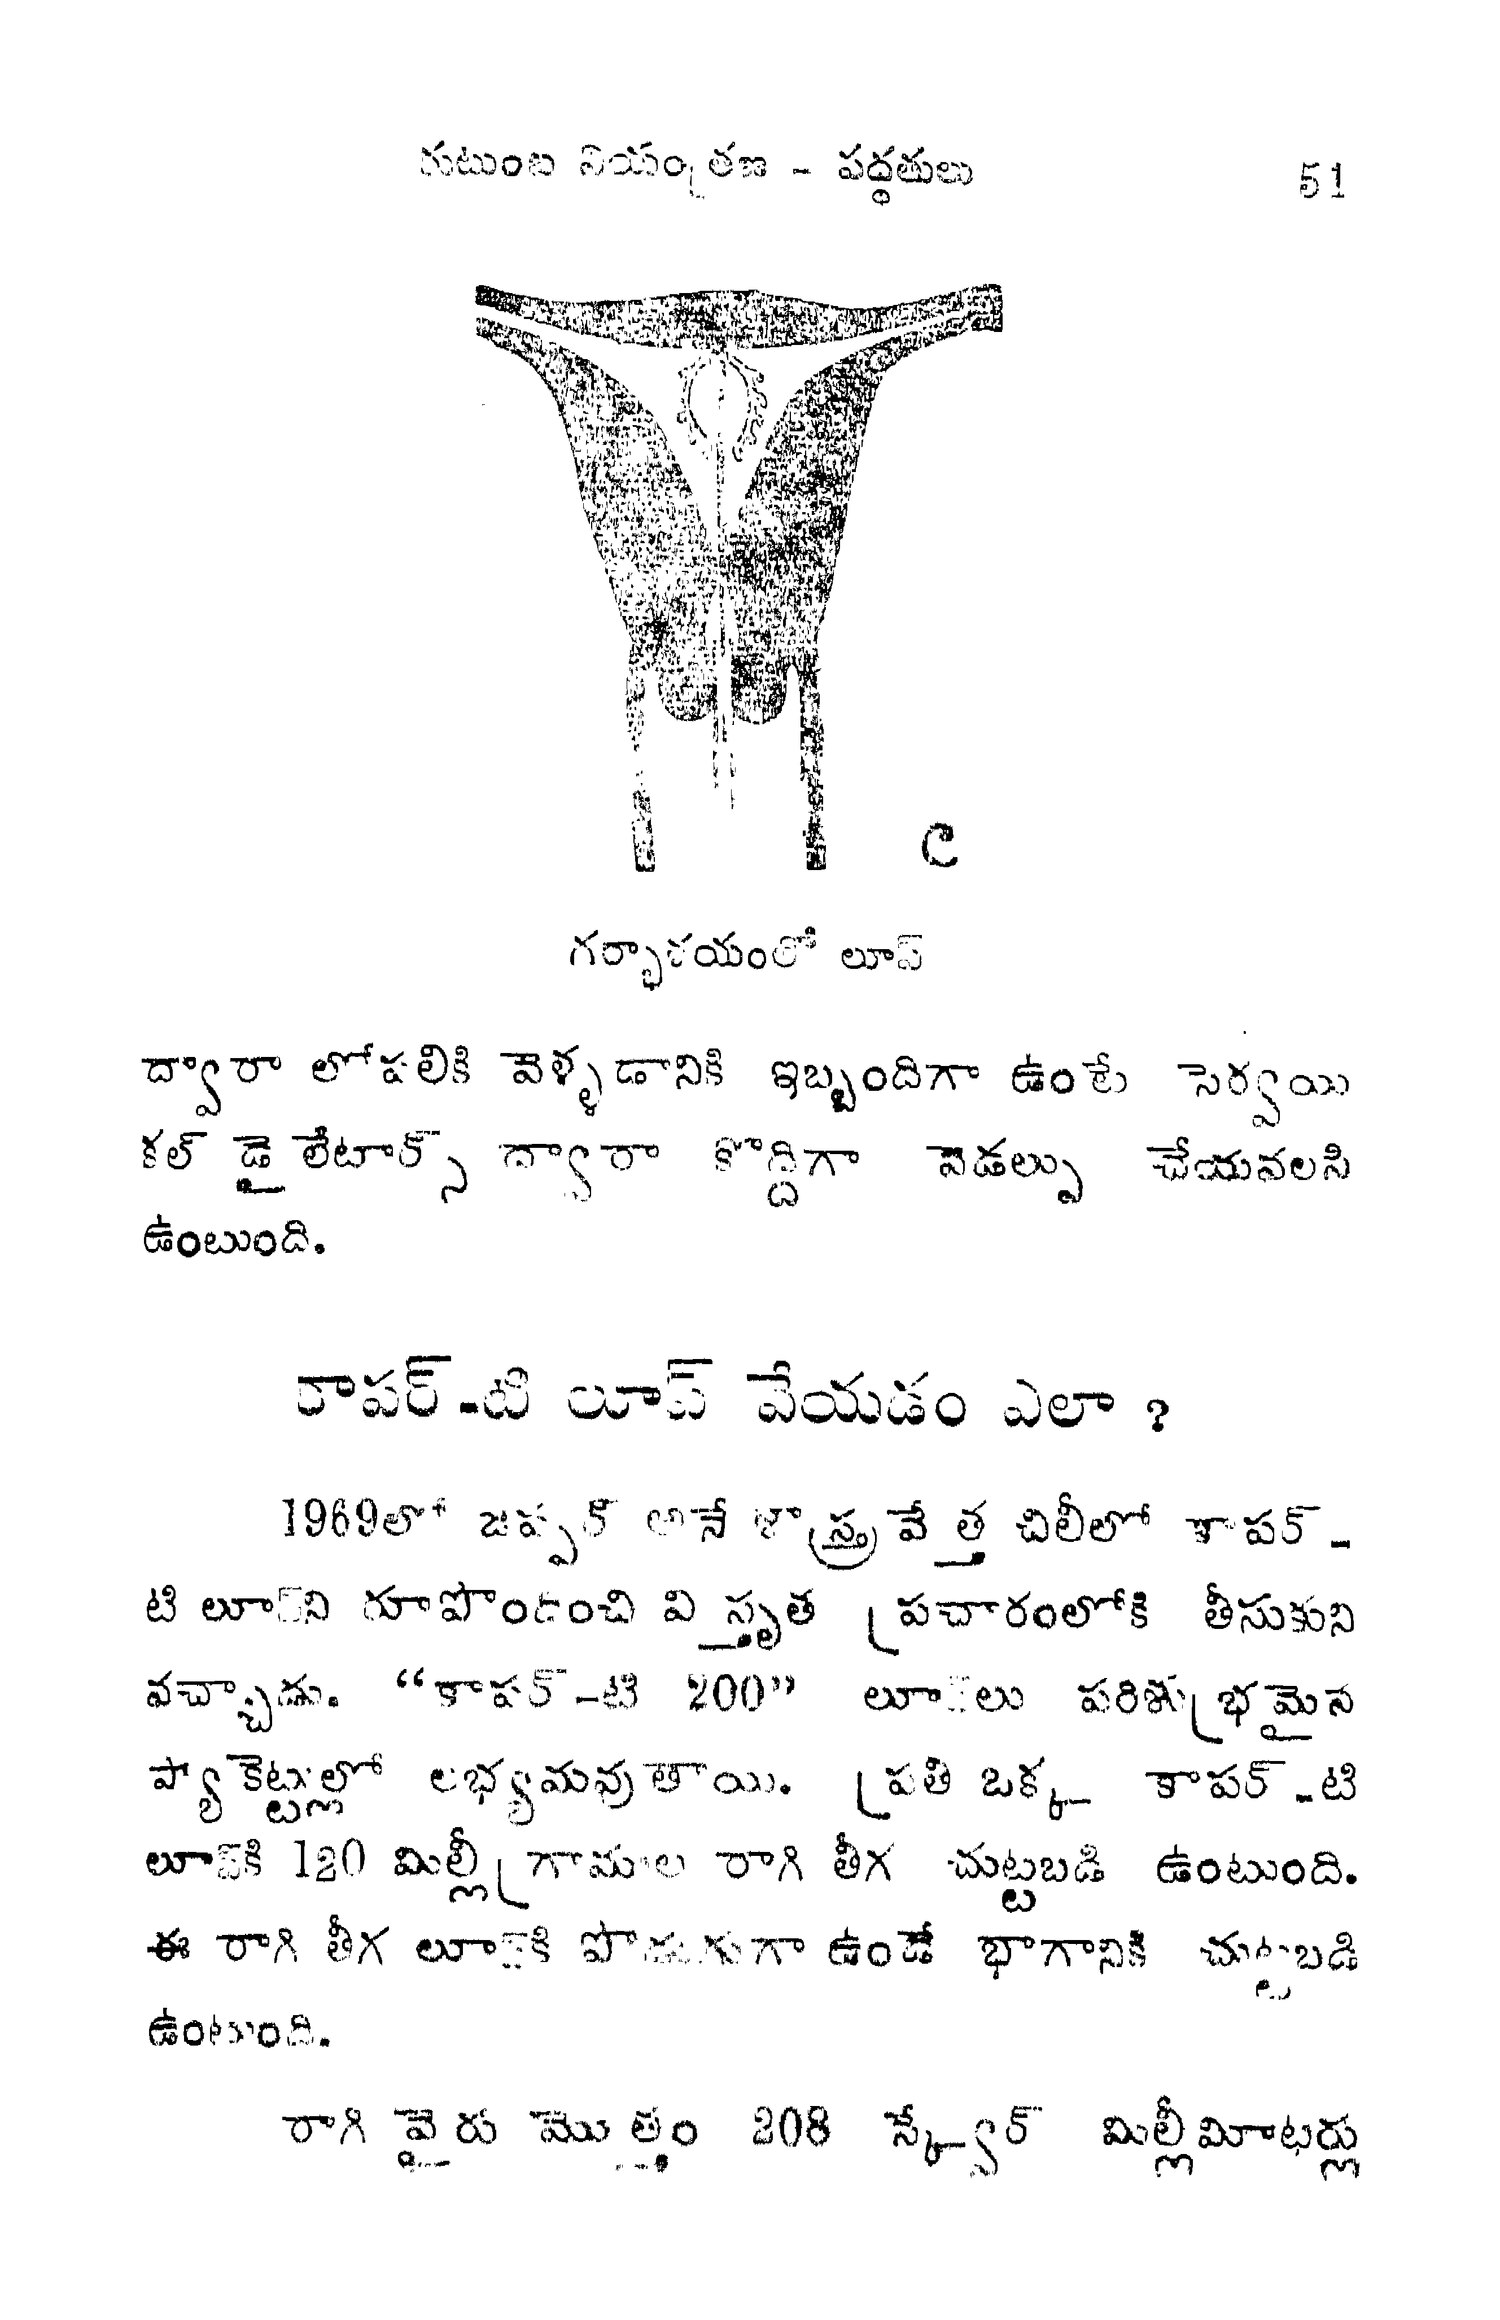ద్వారా లోపలికి వెళ్ళడానికి ఇబ్బందిగా ఉంటే సెర్వయికల్ డైలేటార్స్ ద్వారా కొద్దిగా వెడల్పు చేయవలసి ఉంటుంది.

1969 లో జప్సర్ అనే శాస్త్ర్రవేత్త చిలీలో కాపర్-టీ లూప్‌ని రూపొందించి విస్తృత ప్రచారంలోకి తీసుకుని వచ్చాడు. "కాపర్ -టి 200" లూప్‌లు పరిశుభ్రమైన ప్యాకెట్టుల్లో లభ్యమవుతాయి. ప్రతి ఒక్క కాపర్-టి లూప్‌కి 120 మిల్లీ గ్రాముల రాగి తీగ చుట్టబడి ఉంటుంది. ఈ రాగి తీగ లూప్‌కి పొడుగుగా ఉండే భాగానికి చుట్టబడి ఉంటుంది.

రాగి వైరు మొత్తం 208 స్క్వేర్ మిల్లీమీటర్లు